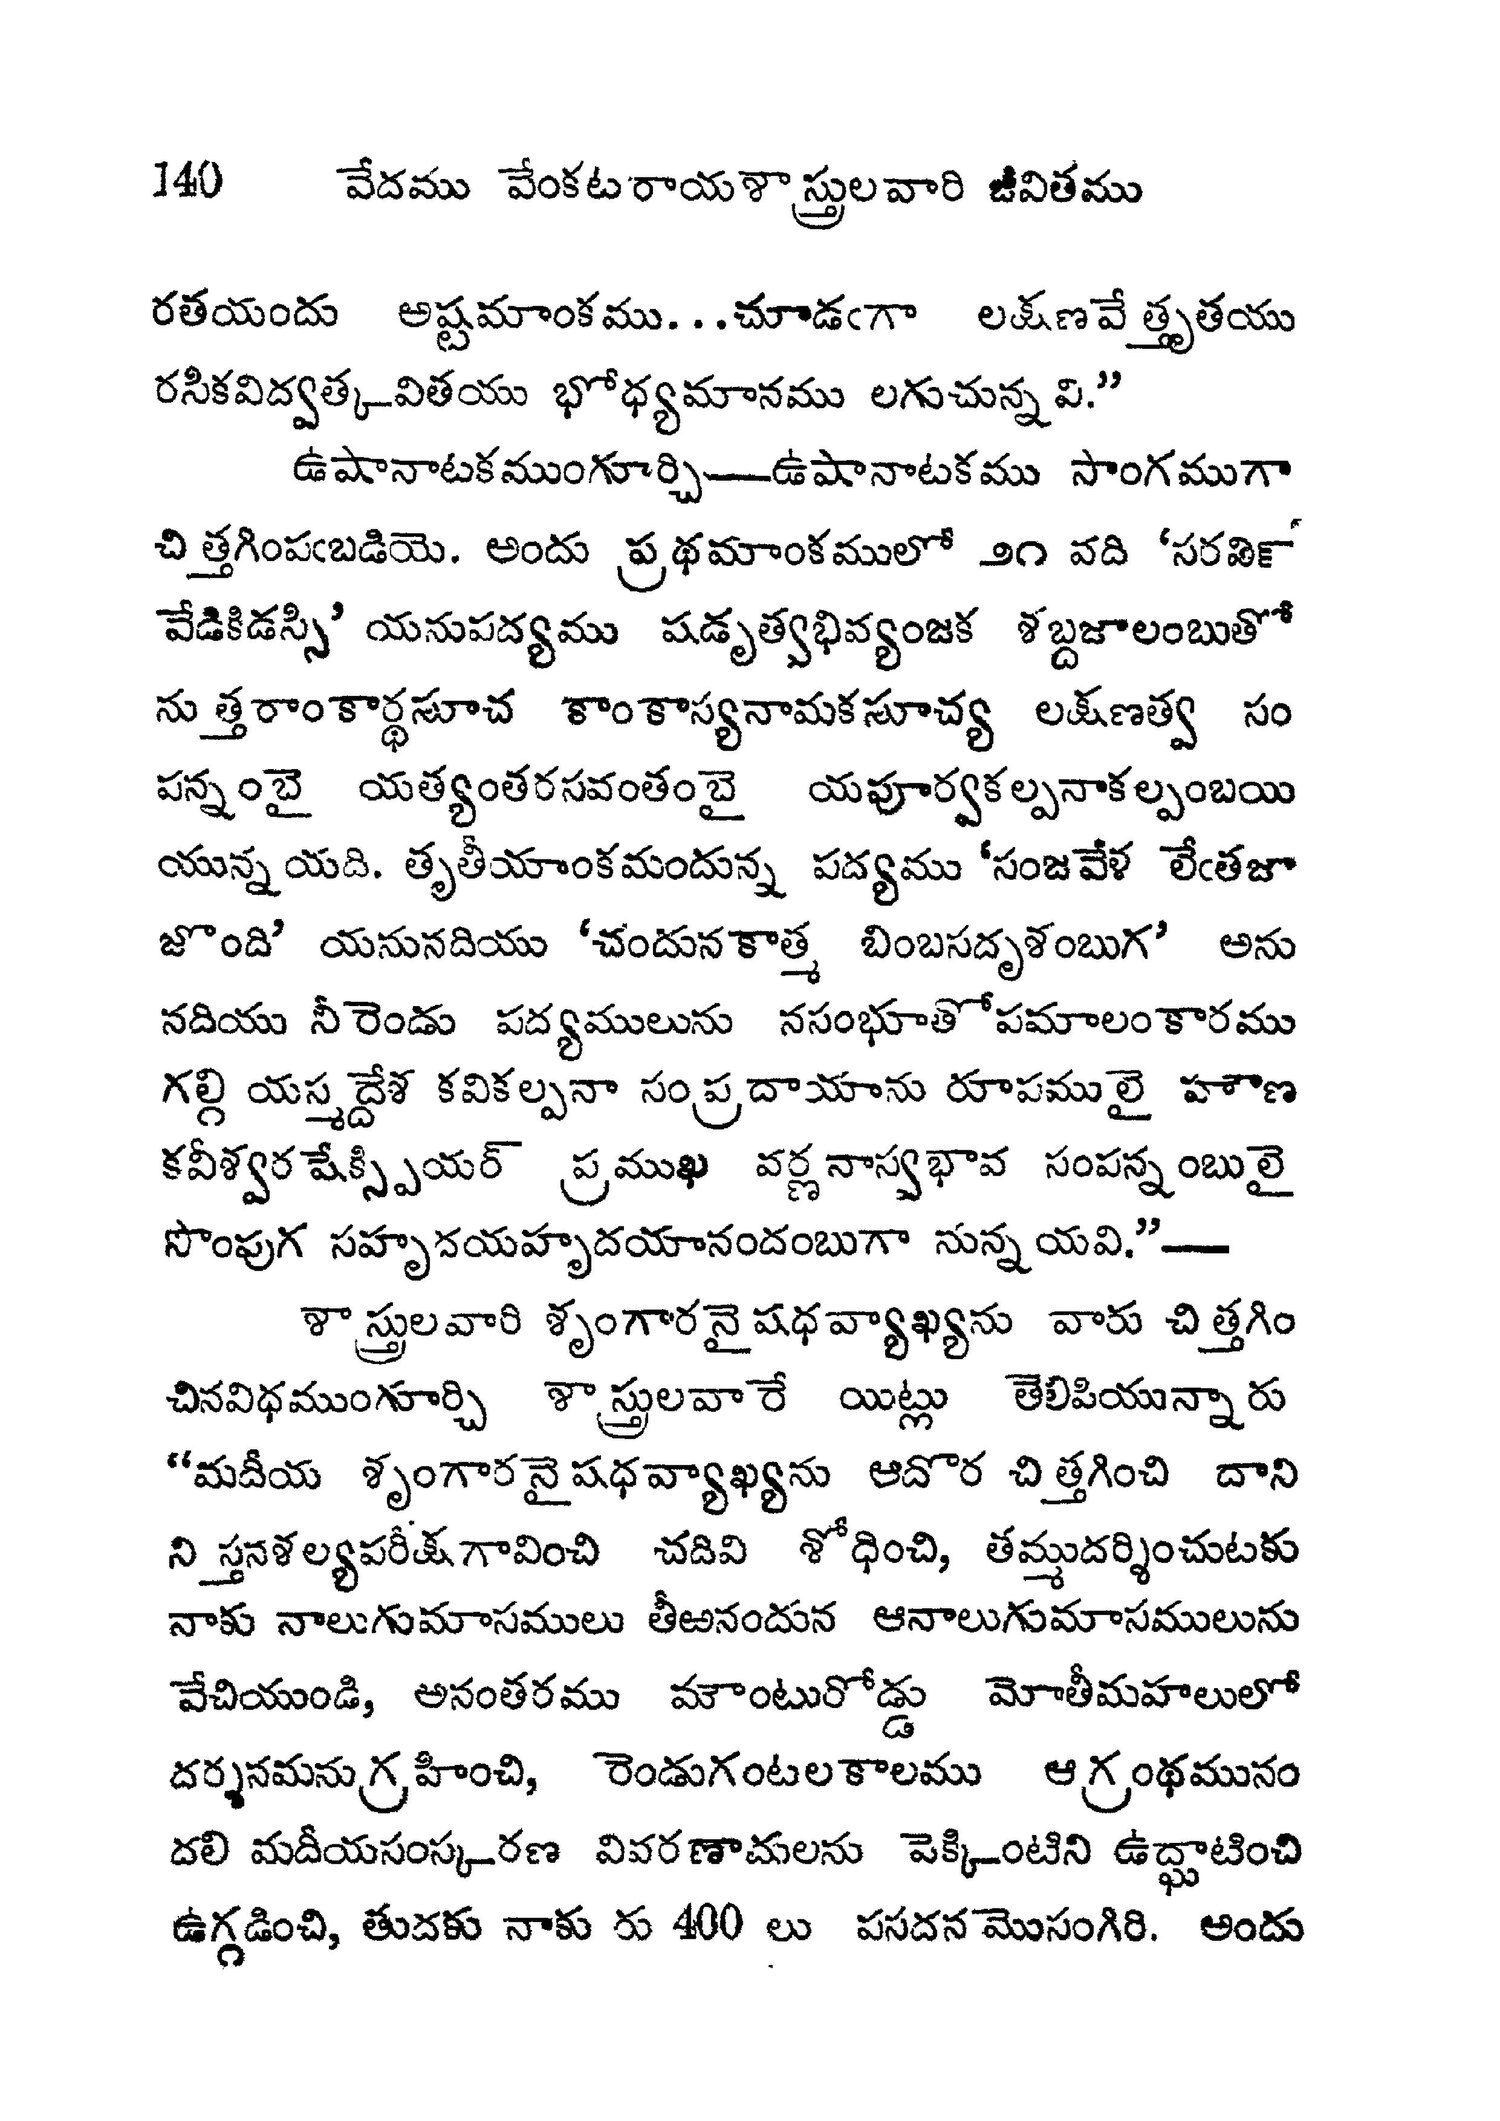రతయందు అష్టమాంకము...చూడగా లక్షణవేత్తృతయు రసికవిద్వత్కవితయు భోధ్యమానము లగుచున్నవి."

ఉషానాటకముంగూర్చి - ఉషానాటకము సాంగముగా చిత్తగింపబడియె. అందు ప్రథమాంకములో 21 వది 'సరవిన్ వేడికిడస్సి' యనుపద్యము షడృత్వభివ్యంజక శబ్దజాలంబుతో నుత్తరాంకార్థసూచ కాంకాస్యనామకసూచ్య లక్షణత్వ సంపన్నంబై యత్యంతరసవంతంబై యపూర్వకల్పనాకల్పంబయి యున్నయది. తృతీయాంకమందున్న పద్యము 'సంజవేళ లేతజాజొంది' యనునదియు 'చందునకాత్మ బింబసదృశంబుగ' అను నదియు నీరెండు పద్యములును నసంభూతోపమాలంకారము గల్గి యస్మద్దేశ కవికల్పనా సంప్రదాయాను రూపములై హౌణ కవీశ్వర షేక్స్పియర్ ప్రముఖ వర్ణనాస్వభావ సంపన్నంబులై సొంపుగ సహృదయదయానందంబుగా నున్న యవి."-

శాస్త్రులవారి శృంగారనైషధవ్యాఖ్యను వారు చిత్తగించినవిధముంగూర్చి శాస్త్రులవారే యిట్లు తెలిపియున్నారు. "మదీయ శృంగారనైషధవ్యాఖ్యను ఆదొర చిత్తగించి దాని నిస్తనశల్యపరీక్షగావించి చదివి శోధించి, తమ్ముదర్శించుటకు నాకు నాలుగుమాసములు తీఱనందున ఆనాలుగుమాసములును వేచియుండి, అనంతరము మౌంటురోడ్డు మోతీమహలులో దర్శనమనుగ్రహించి, రెండుగంటలకాలము ఆగ్రంథమునందలి మదీయసంస్కరణ వివరణాదులను పెక్కింటిని ఉద్ఘాటించి ఉగ్గడించి, తుదకు నాకు రు 400 లు పసదన మొసంగిరి. అందు